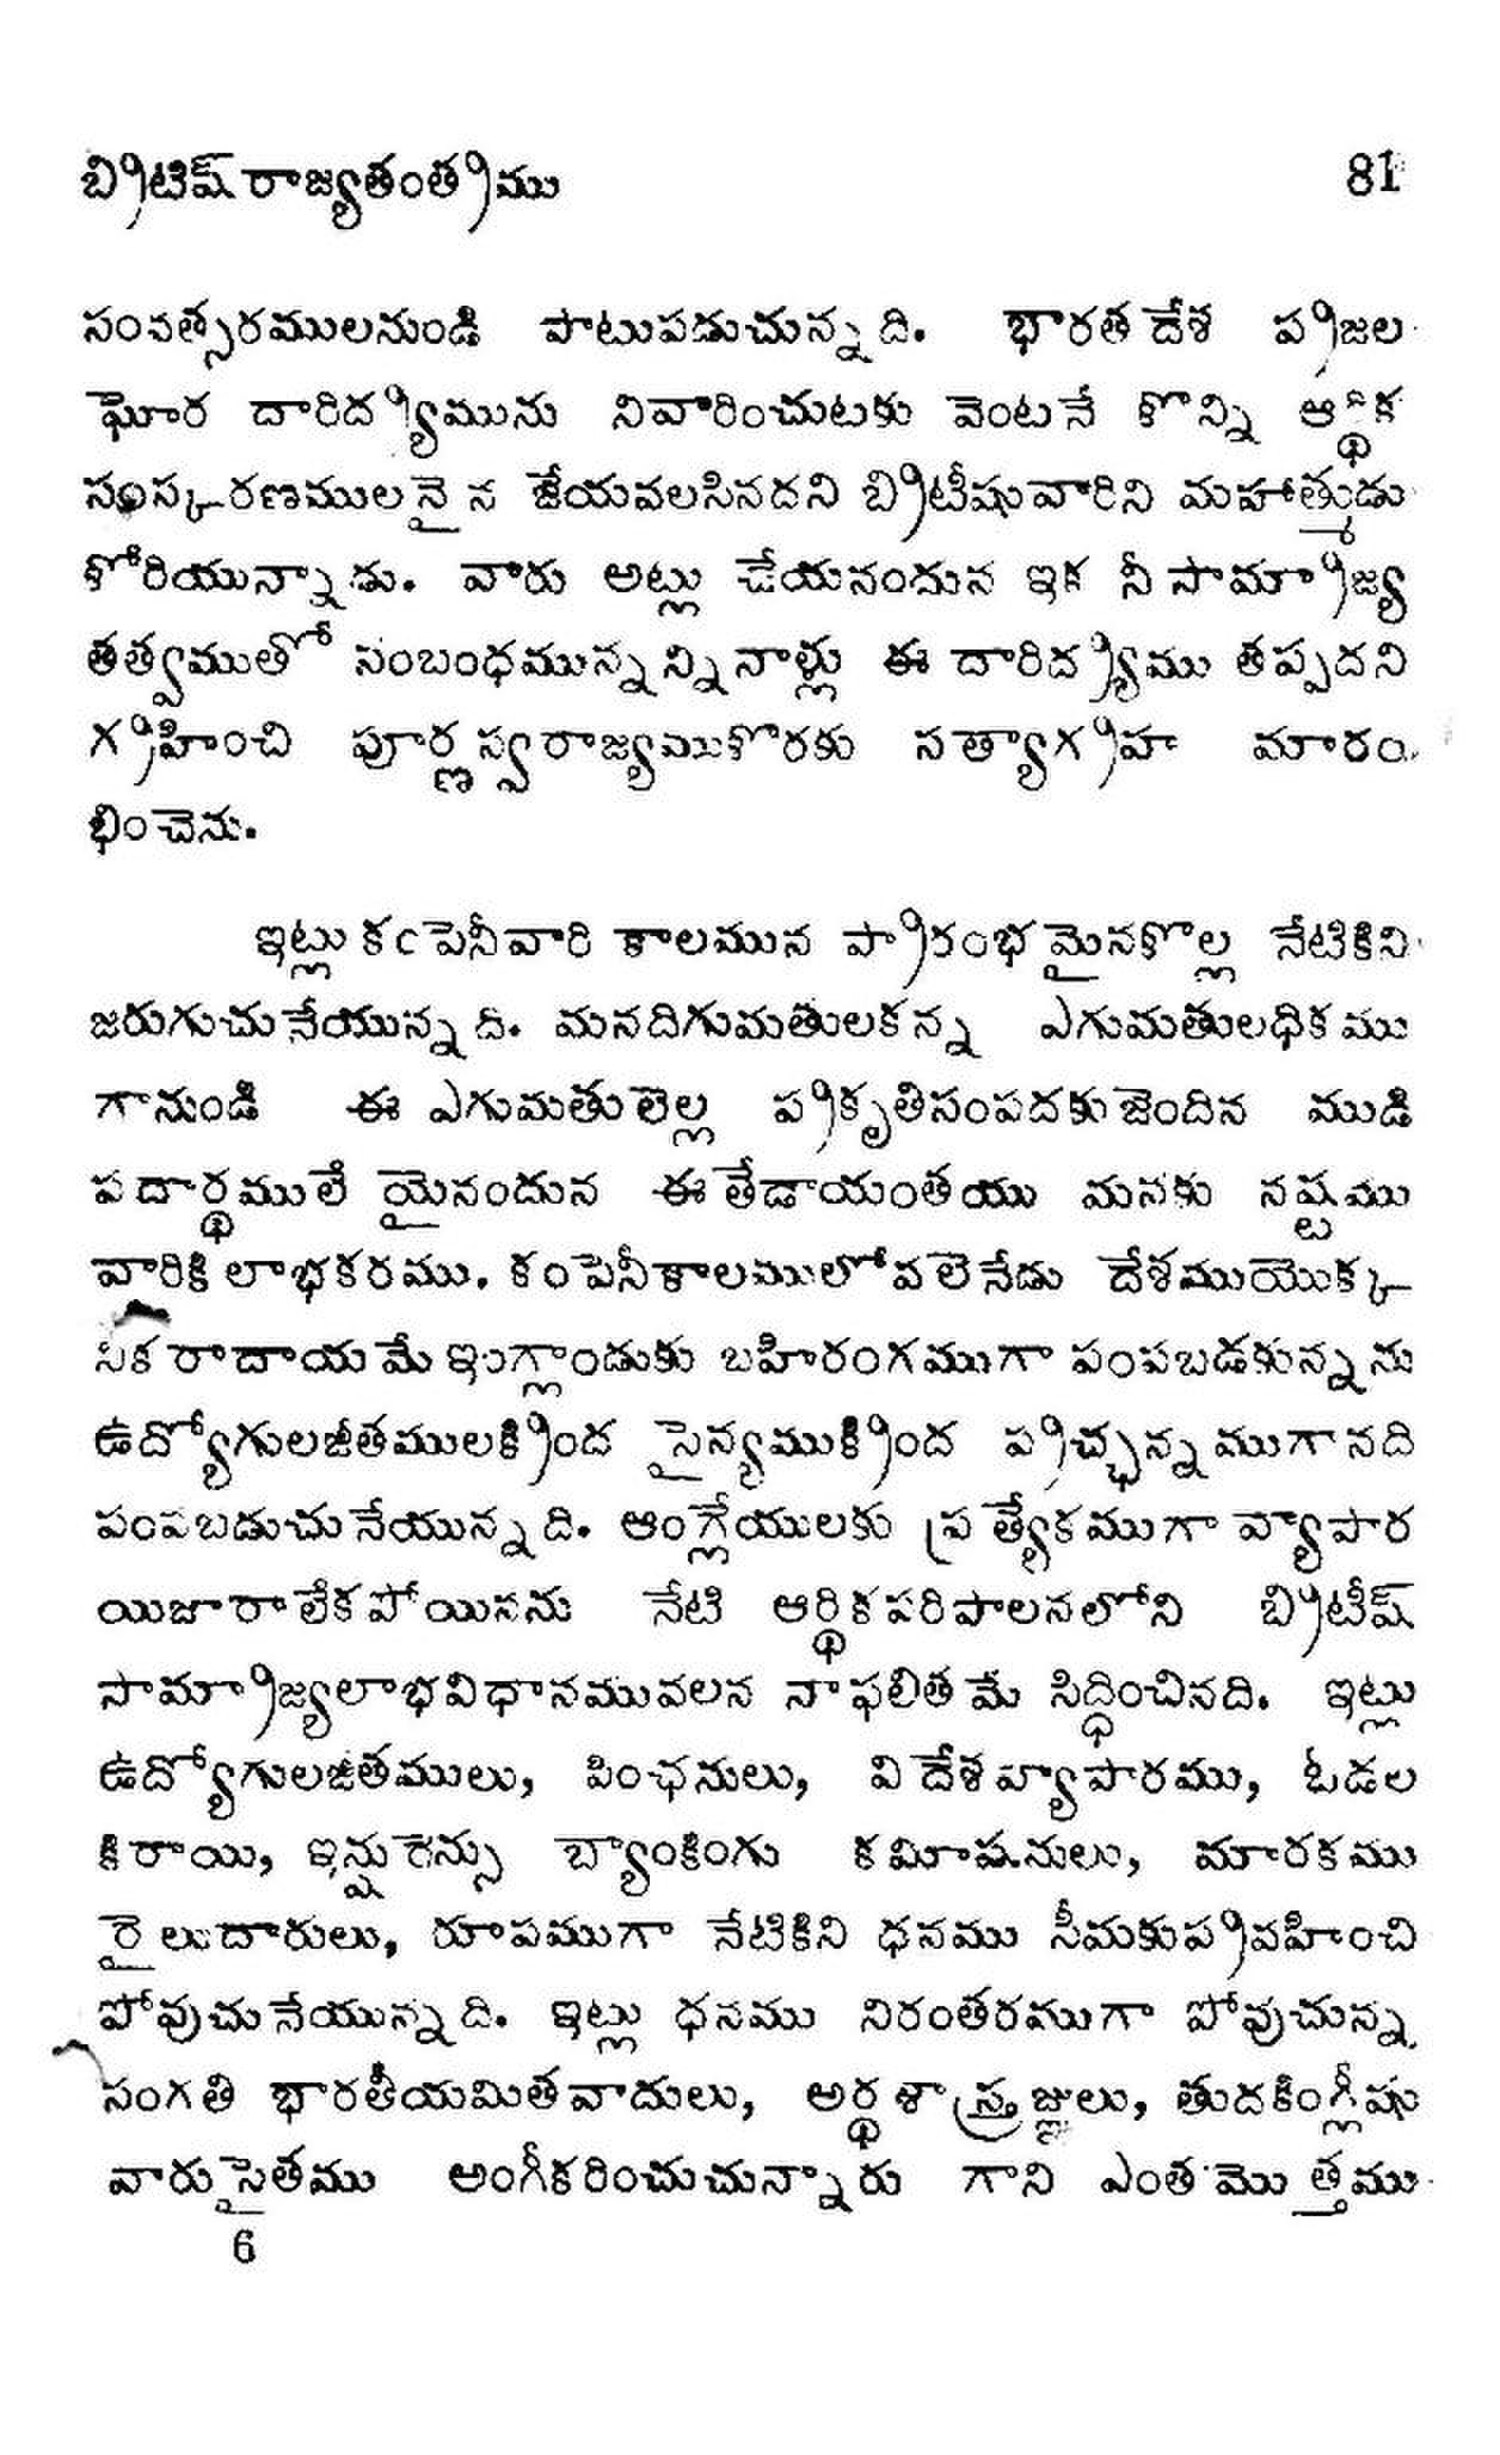సంవత్సరములనుండి పాటుపడుచున్నది. భారతదేశ ప్రజల ఘోర దారిద్ర్యమును నివారించుటకు వెంటనే కొన్ని ఆర్థిక సంస్కరణములనైన జేయవలసినదని బ్రిటీషువారిని మహాత్ముడు కోరియున్నాడు. వారు అట్లు చేయనందున ఇక నీ సామ్రాజ్యతత్వముతో సంబంధమున్నన్ని నాళ్లు ఈ దారిద్ర్యము తప్పదని గ్రహించి పూర్ణస్వరాజ్యముకొరకు సత్యాగ్రహ మారంభించెను.

ఇట్లు కంపెనీవారి కాలమున ప్రారంభమైనకొల్ల నేటికిని జరుగుచునేయున్నది. మనదిగుమతులకన్న ఎగుమతులధికము గానుండి ఈ ఎగుమతులెల్ల పకృతిసంపదకుజెందిన ముడిపదార్థములే యైనందున ఈ తేడాయంతయు మనకు నష్టము వారికిలాభకరము. కంపెనీకాలములోవలెనేడు దేశముయొక్క నికరాదాయమే ఇంగ్లాండుకు బహిరంగముగా పంపబడకున్నను ఉద్యోగులజీతములక్రింద సైన్యముక్రింద ప్రచ్ఛన్నముగానది పంపబడుచునేయున్నది. ఆంగ్లేయులకు ప్రత్యేకముగా వ్యాపార యిజారాలేకపోయినను నేటి ఆర్ధికపరిపాలనలోని బ్రిటీష్ సామ్రాజ్యలాభవిధానమువలన నా ఫలితమే సిద్ధించినది. ఇట్లు ఉద్యోగులజీతములు, పింఛనులు, విదేశవ్యాపారము, ఓడల కిరాయి, ఇన్షురెన్సు బ్యాంకింగు కమీషనులు, మారకము రైలుదారులు, రూపముగా నేటికిని ధనము సీమకుప్రవహించి పోవుచునేయున్నది. ఇట్లు ధనము నిరంతరముగా పోవుచున్న సంగతి భారతీయమితవాదులు, అర్ధశాస్త్రజ్ఞులు, తుదకింగ్లీషు వారుసైతము అంగీకరించుచున్నారు గాని ఎంత మొత్తము